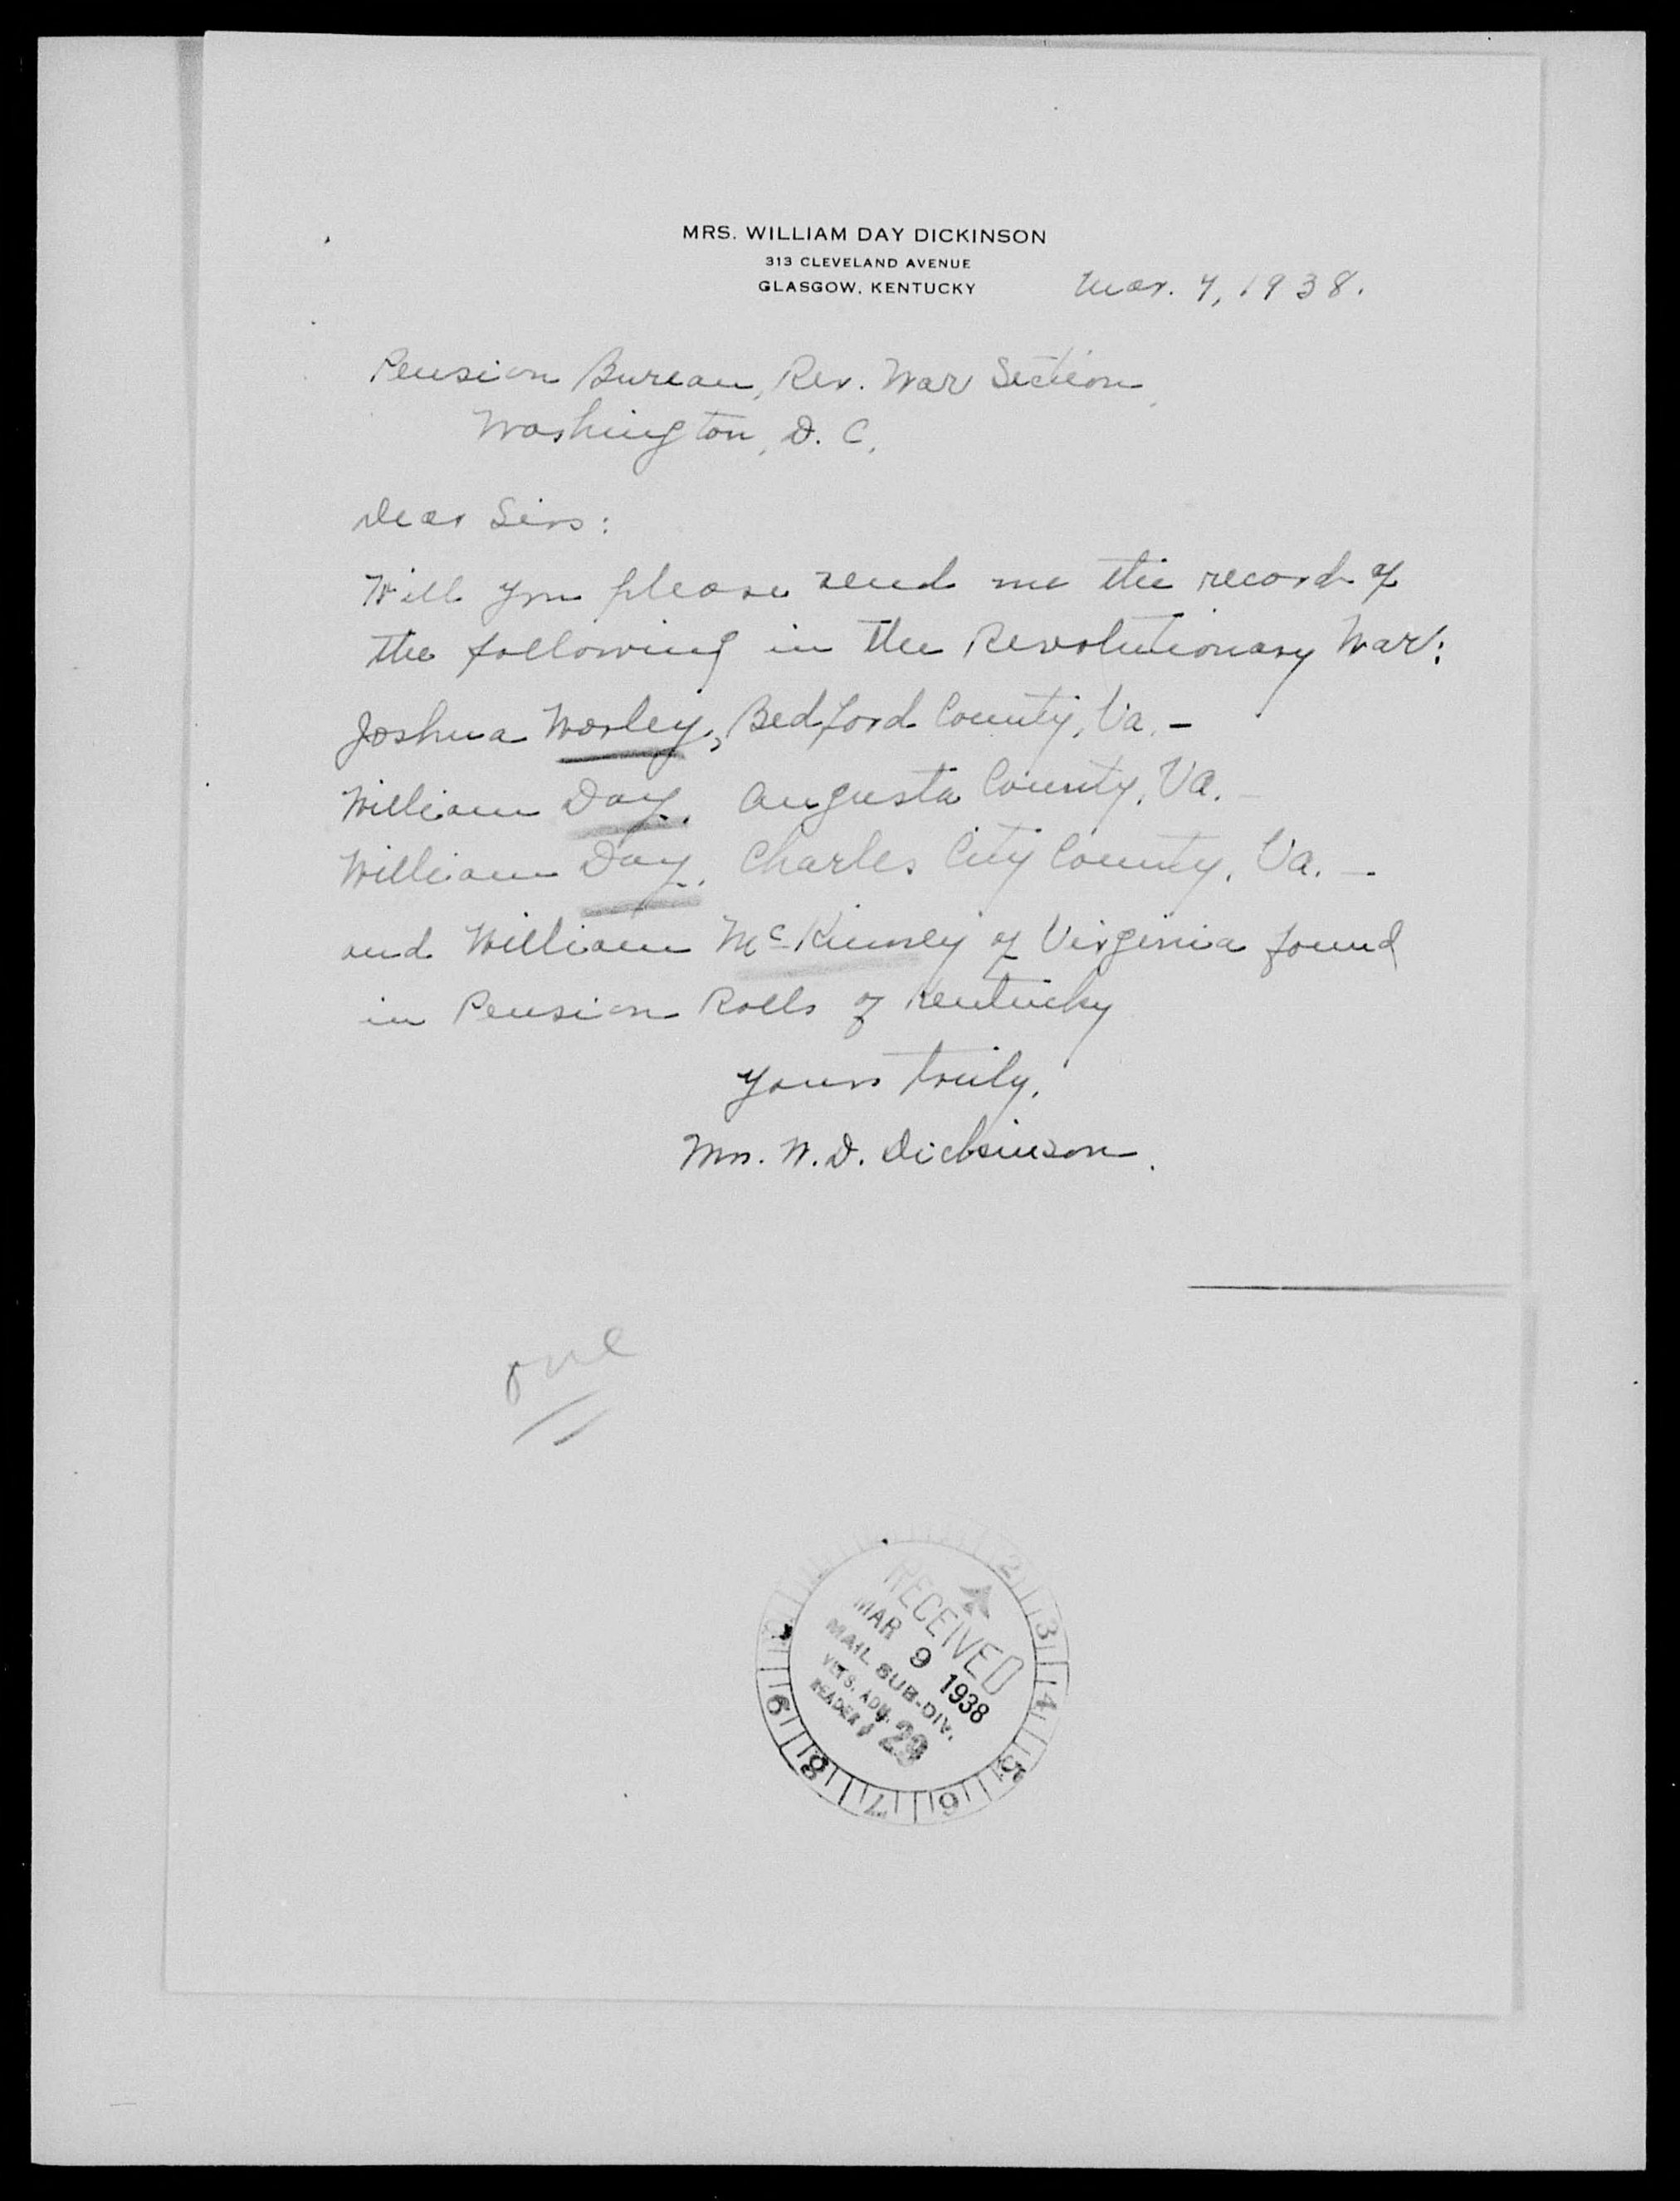[letterhead]: MRS. WILLIAM DAY DICKINSON
313 CLEVELAND AVENUE
GLASGOW, KENTUCKY

[handwritten] Mar. 4, 1938.
Pension Bureau, Rev. War Section
Washington, D.C.
Dear Sirs: 

Will you please send me the record of the following in the Revolutionary War: Joshua Morley [underlined], Bedford County, Va. 
William Day [underlined], Augusta County, Va. 
William Day [underlined], Charles City County, Va.
and William McKinney of Virginia found in Pension Rolls of Kentucky
Yours truly, 
Mrs. W.D. Dickinson

[off to the side, underlined twice]: one

[stamped RECEIVED Mar 9 1938 Mail Sub-Div. Vets Adm. Reader 29]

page: 15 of 28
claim: survivor's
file: S. 16,470, for William Mc Kinney, Georgia